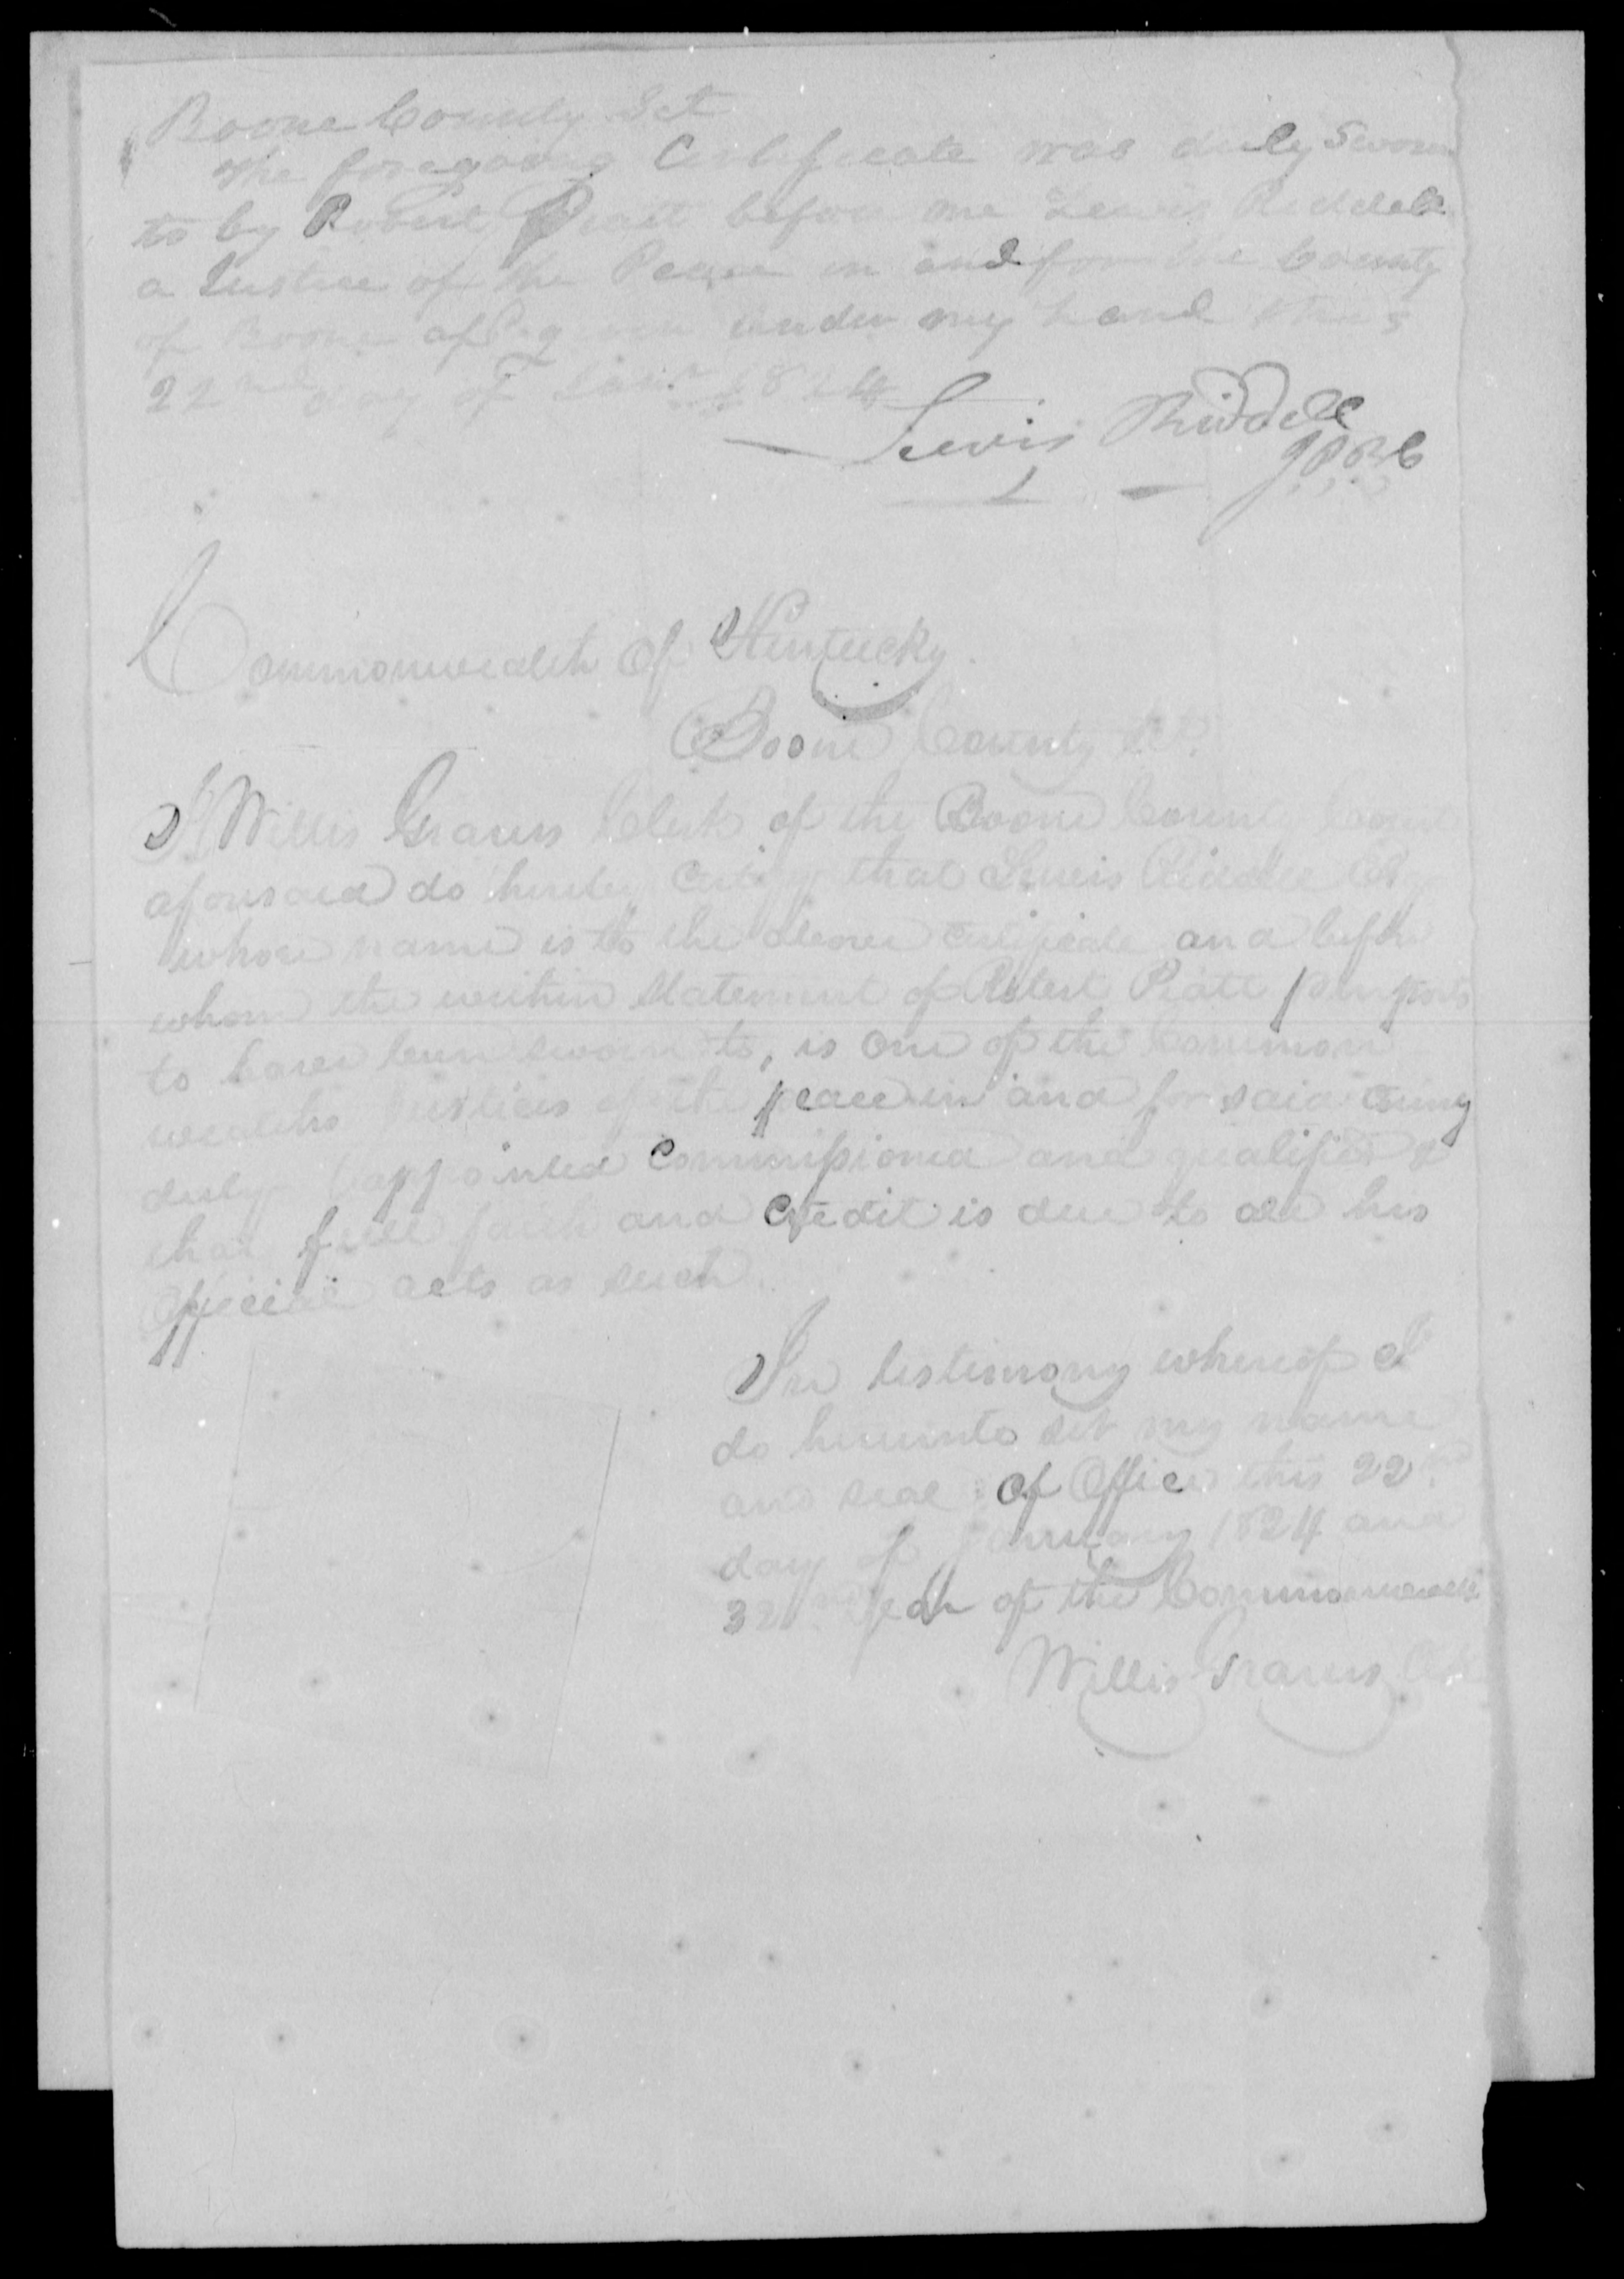Boone County 
The foregoing certificate was duly sworn to by Robert Piatt before me Lewis Riddell a Justice of the Peace in and for the County of Boone-(illegible) under my hand, this 22nd day of  (too light to read)
(signature)
Lewis Riddell
JPBC

Commonwealth of Kentucky
Boone County Ss

I Willis Graves Clerk of the Boone County Court of aforesaid do hereby certify that Lewis Riddell whose name is to the above certificate and before whom the within statement of Robert Piatt purports to have been sworn to, is one the Commonwealth Justices of the peace and for said county duly appointed commissioner and qualified and that full faith and credit is due to all his official acts as such
In testimony whereof I do hereunto set my hand and seal of office this 22 day of January 1824 and 32nd year of the Commonwealth
(signature)
Willis Graves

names: Lewis Riddell; Willis Graves; Lewis Riddell; Willis Graves; Robert Piatt; Lewis Riddell; Robert Piatt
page: 17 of 20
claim: survivor's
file: S. 36,783, for George Sparling, New Jersey